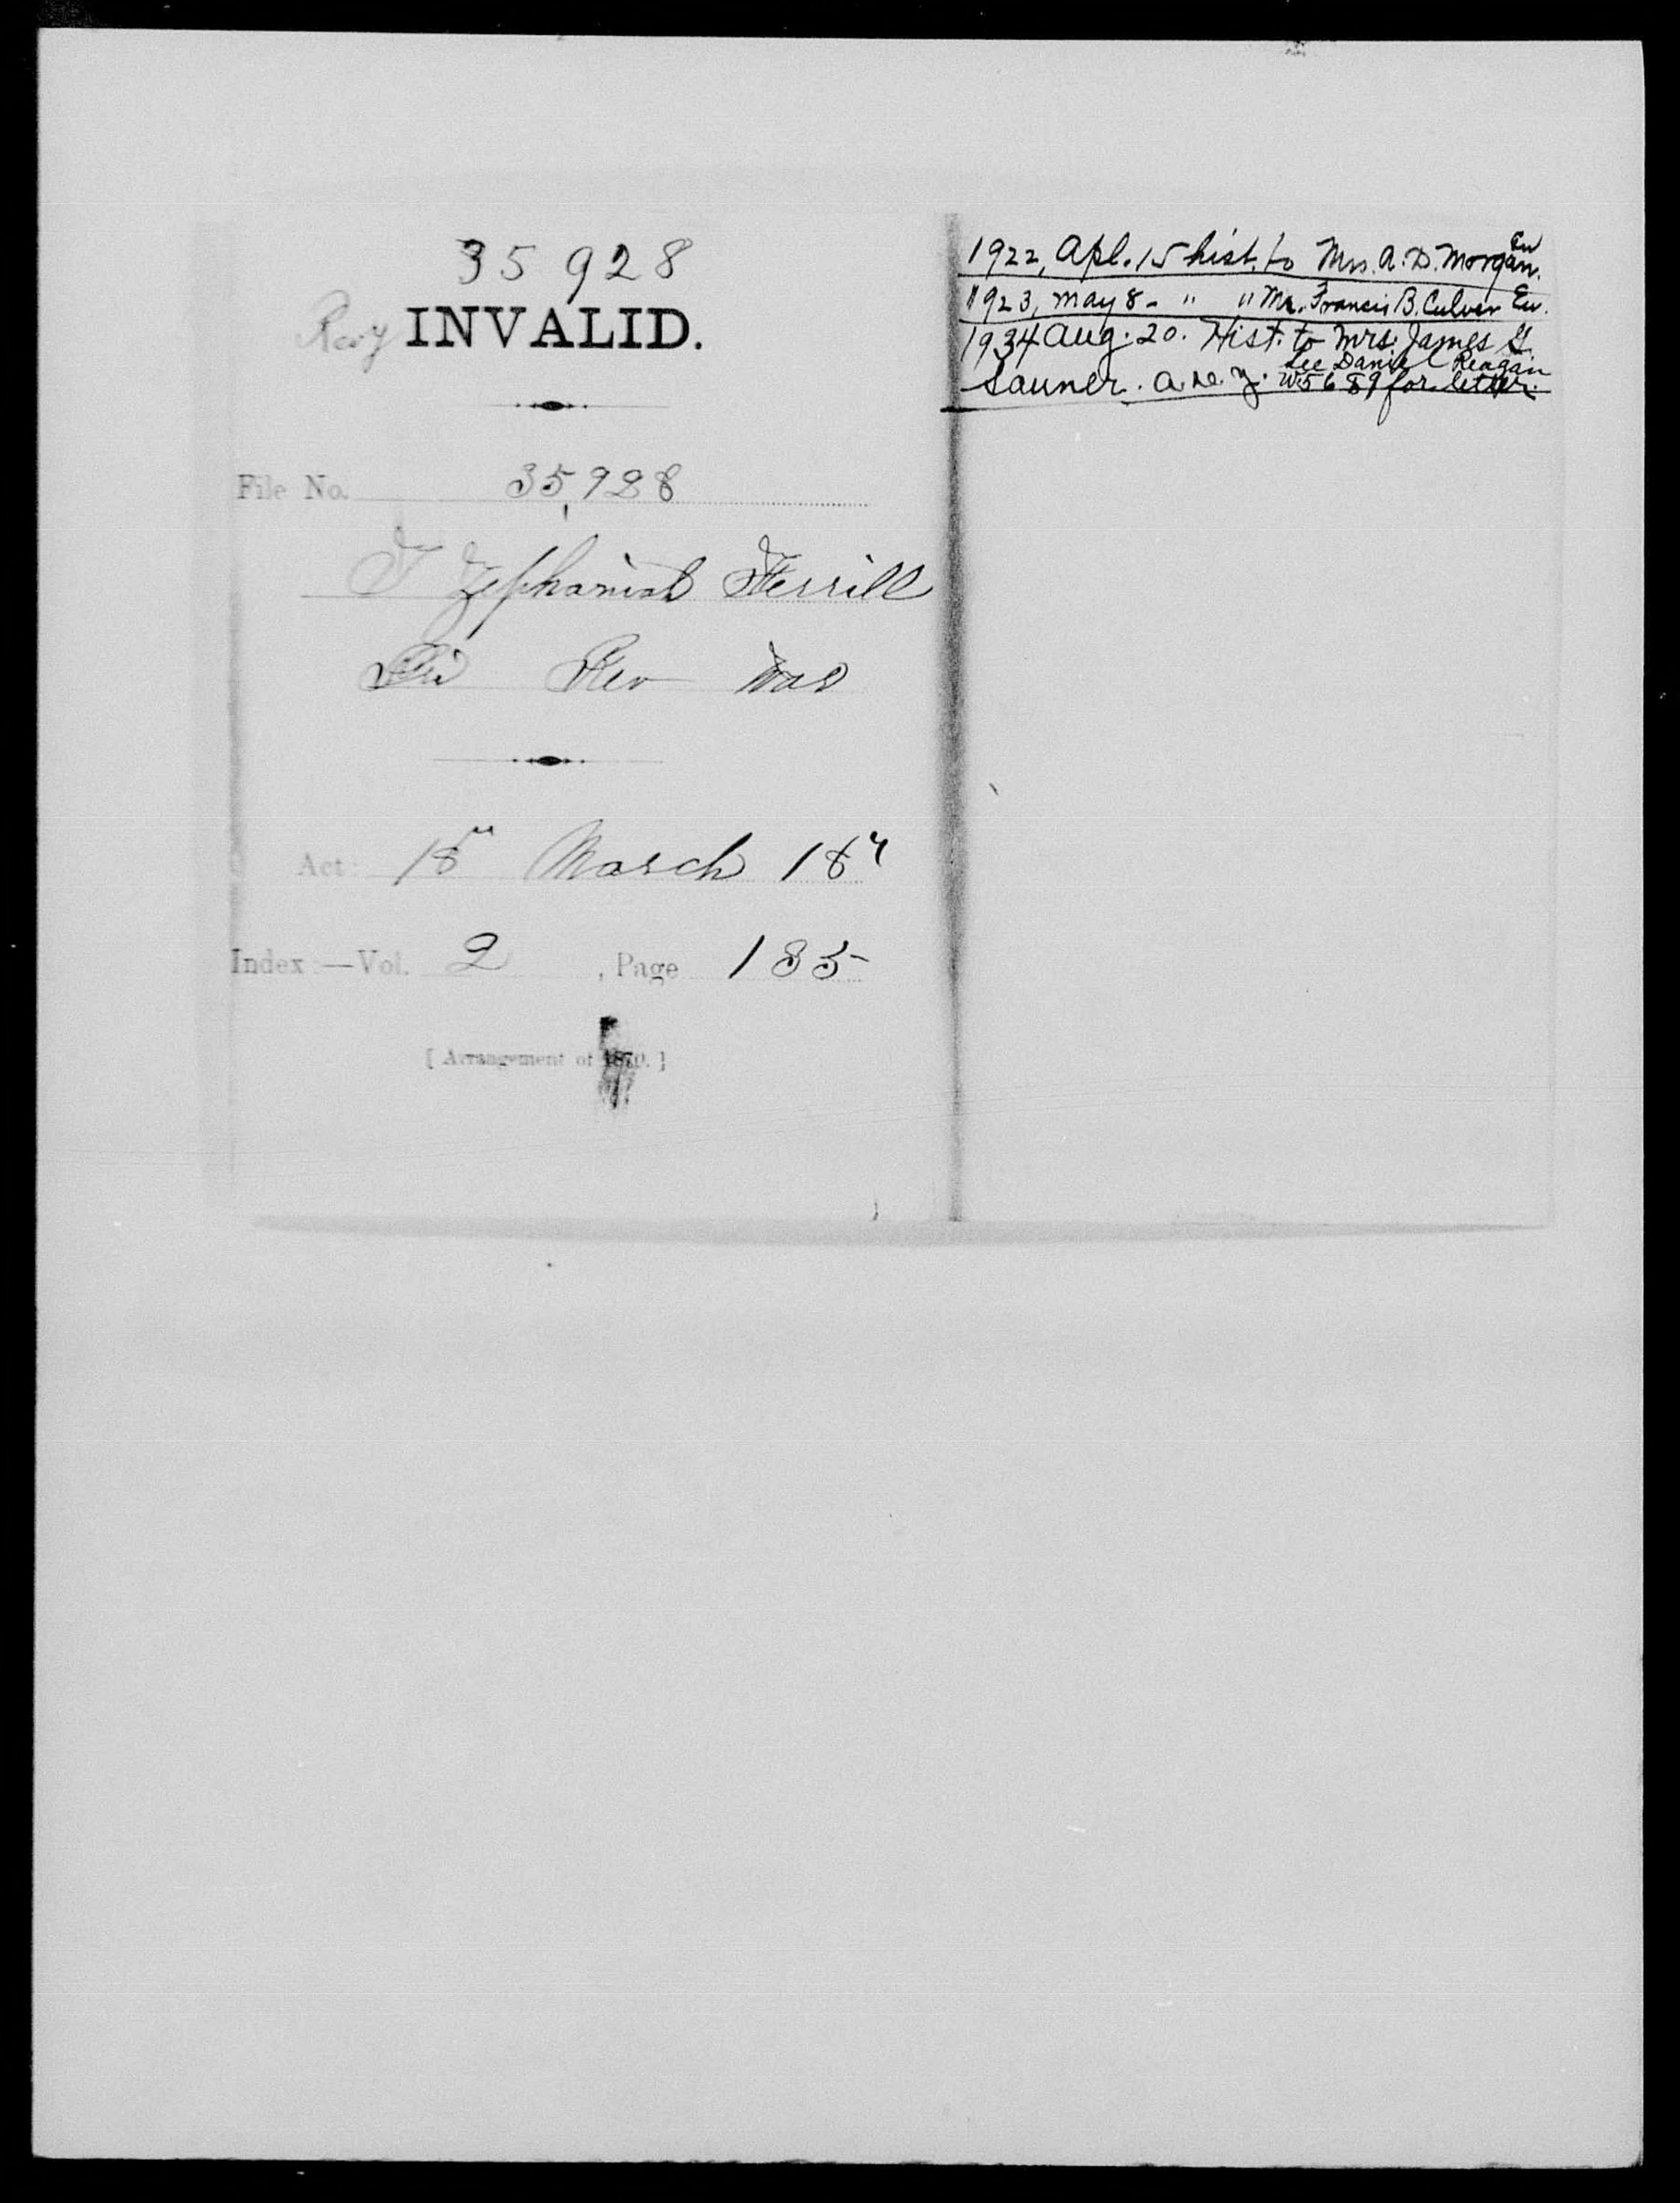[Left page]
35928
Rev'y INVALID.

File No. 35928
Zephaniah Ferrill
Red Rev. War

Act: 18th March 18th
Index: Vol. 2, Page 135

[ Arrangement of 1870. ]

[Right page]
1922, Apl. 15 hist. to Mrs. A. D. Morgan.
1923, May 8. "    " Mr. Francis B. Culver.
1934 Aug. 20. Hist. to Mrs. James G. Sauner. [unintelligible] Lee Daniel Reagan W. 5689 for letter.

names: Francis B Culver, A D Morgan, James G Sauner, Zephaniah Ferrill, Daniel Reagan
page: 7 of 12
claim: survivor's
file: S. 35928, Zephaniah Ferrill, Cont. (Va)